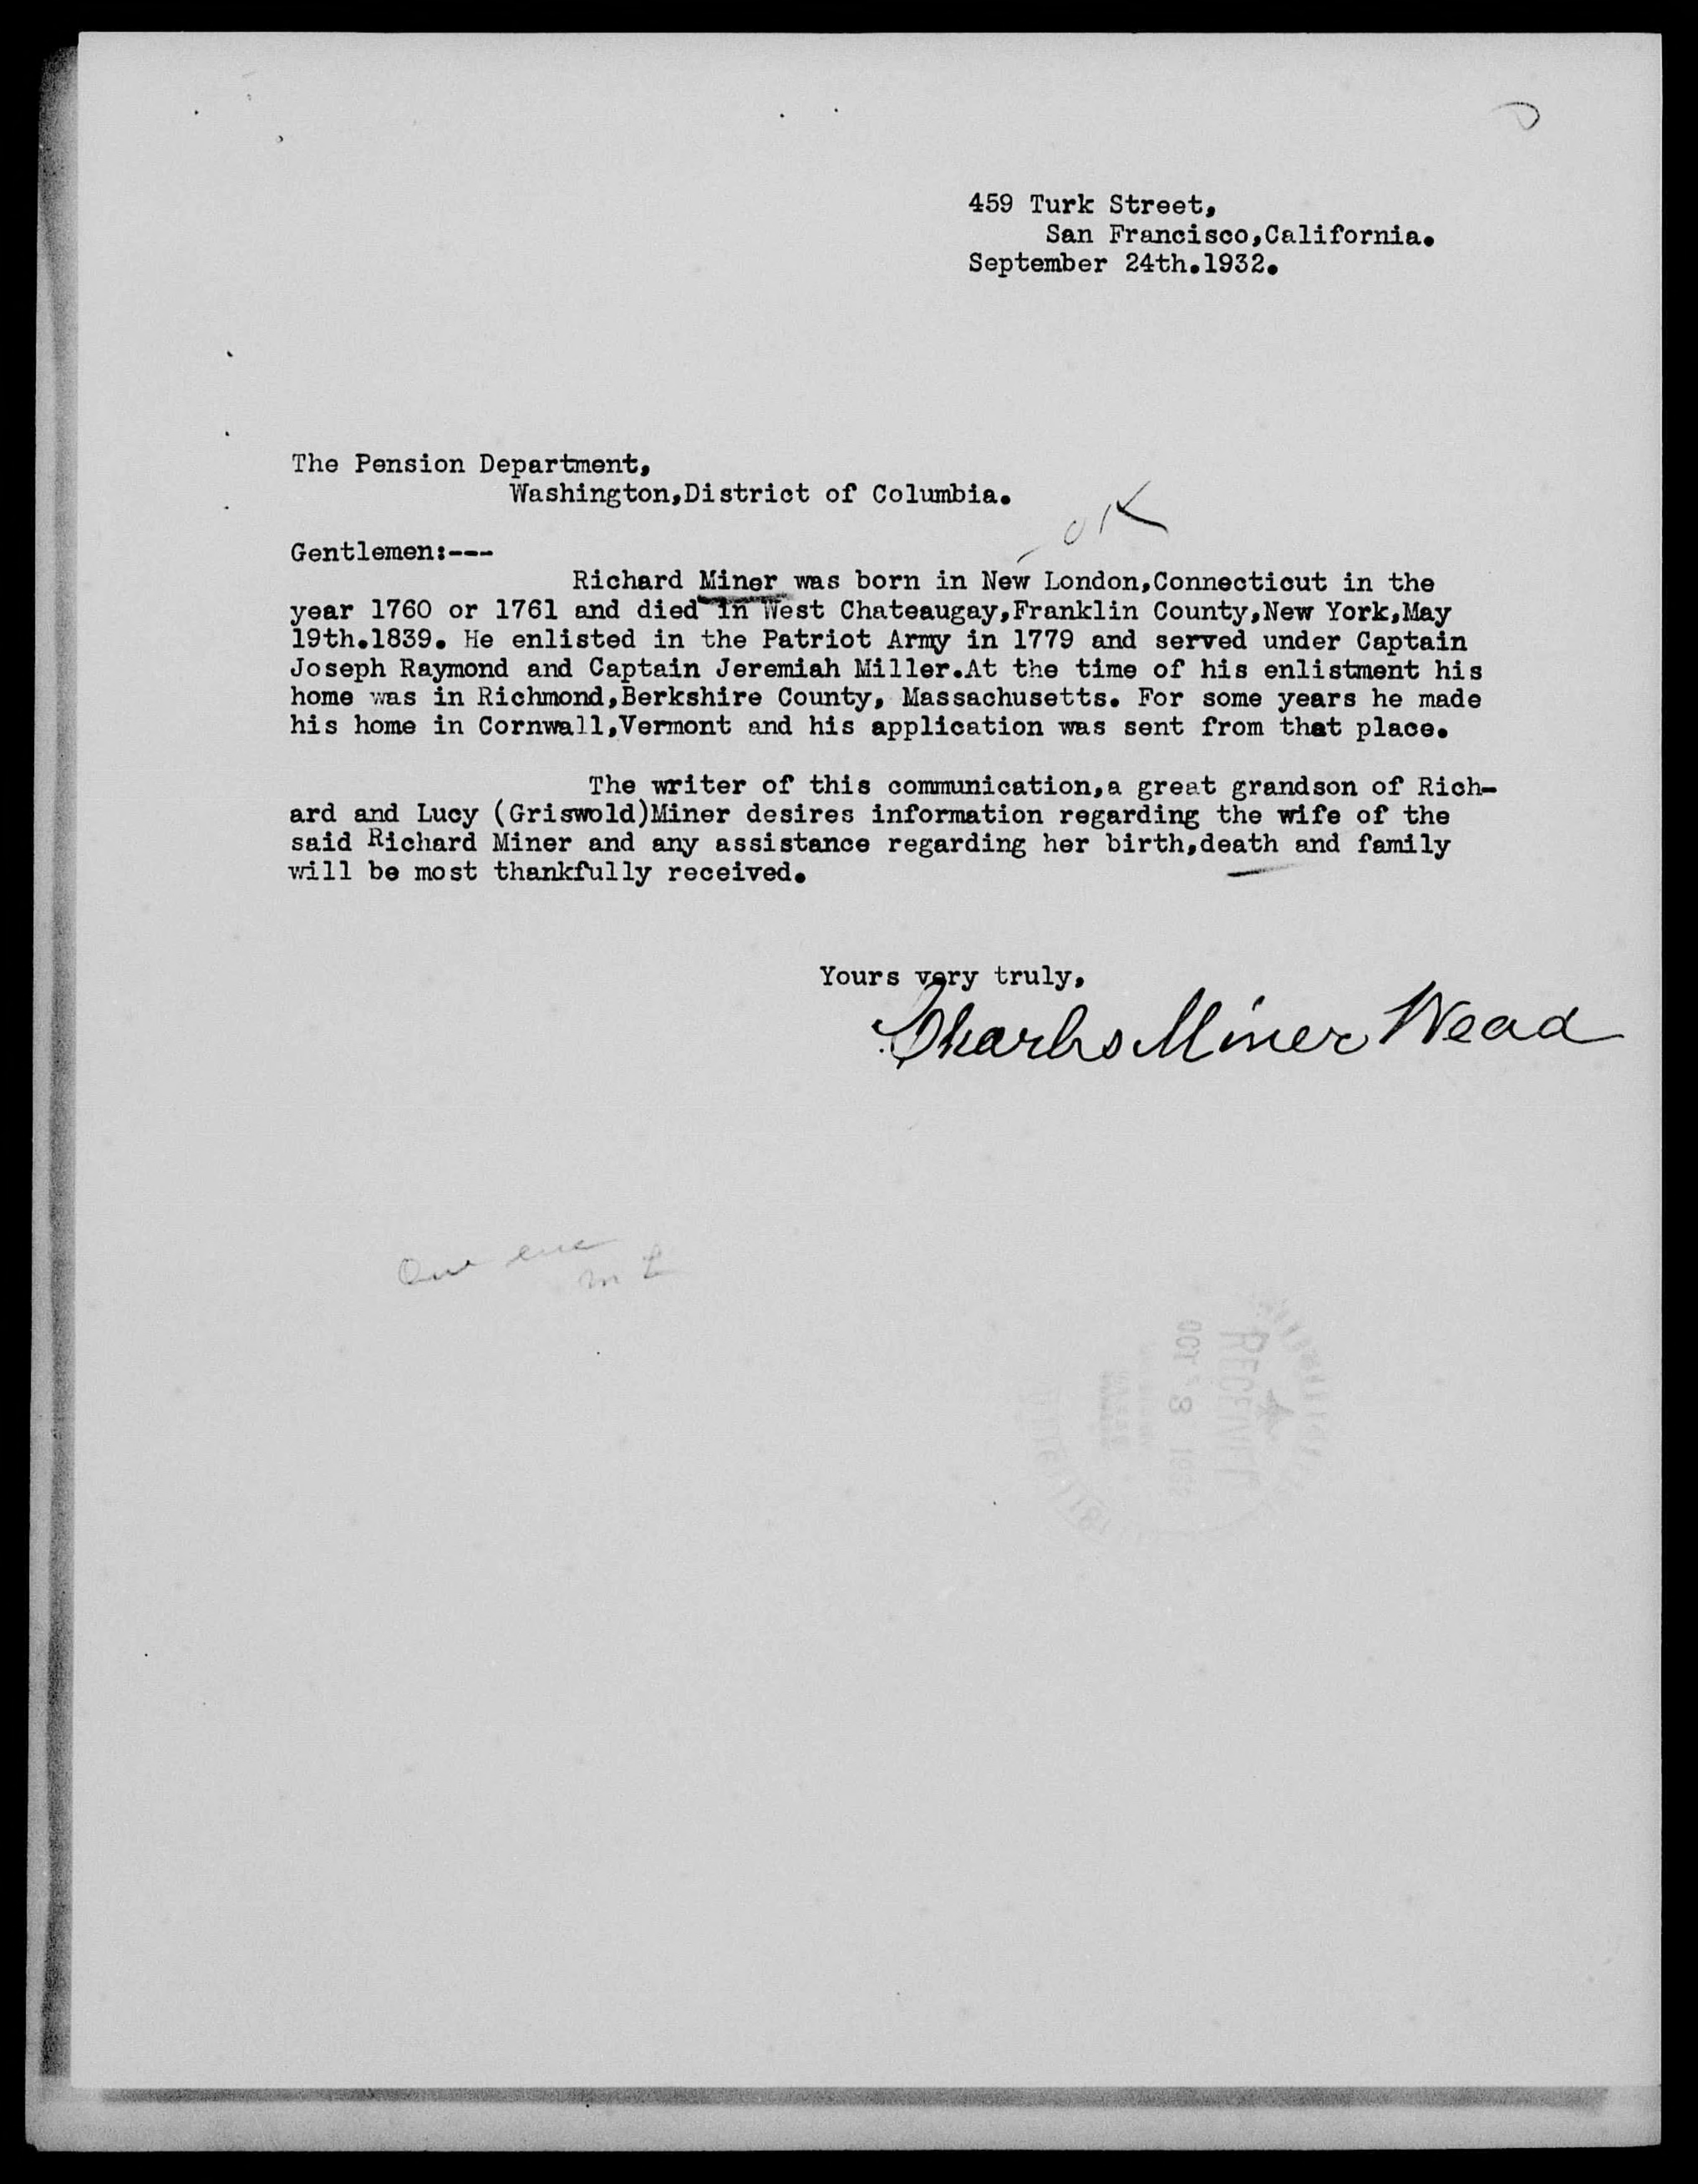459 Turk Street,
San Francisco, California.
September 24th.1932.

The Pension Department,
Washington, District of Columbia.
Gentlemen: --
Richard Miner was born in New London, Connecticut in the
year 1760 or 1761 and died in West Chateaugay, Franklin County, New York, May
19th, 1839. He enlisted in the Patriot Army in 1779 and served under Captain
Joseph Raymond and Captain Jeremiah Miller. At the time of his enlistment his
home was in Richmond, Berkshire County, Massachusetts. For some years he made
his home in Cornwall, Vermont and his application was sent from that place.
The writer of this communication, a great grandson of Richard
and Lucy ( Griswold ) Miner desires information regarding the wife of the
said Richard Miner and any assistance regarding her birth, death and family
will be most thankfully received.
Yours very truly,
Charles Miner Head
to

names: Richard Miner; Jeremiah Miller; Joseph Raymond; Lucy Griswold; Charles Miner Wead; Lucy Miner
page: 15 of 34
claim: survivor's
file: S. 13944, for Richard Miner, Massachusetts